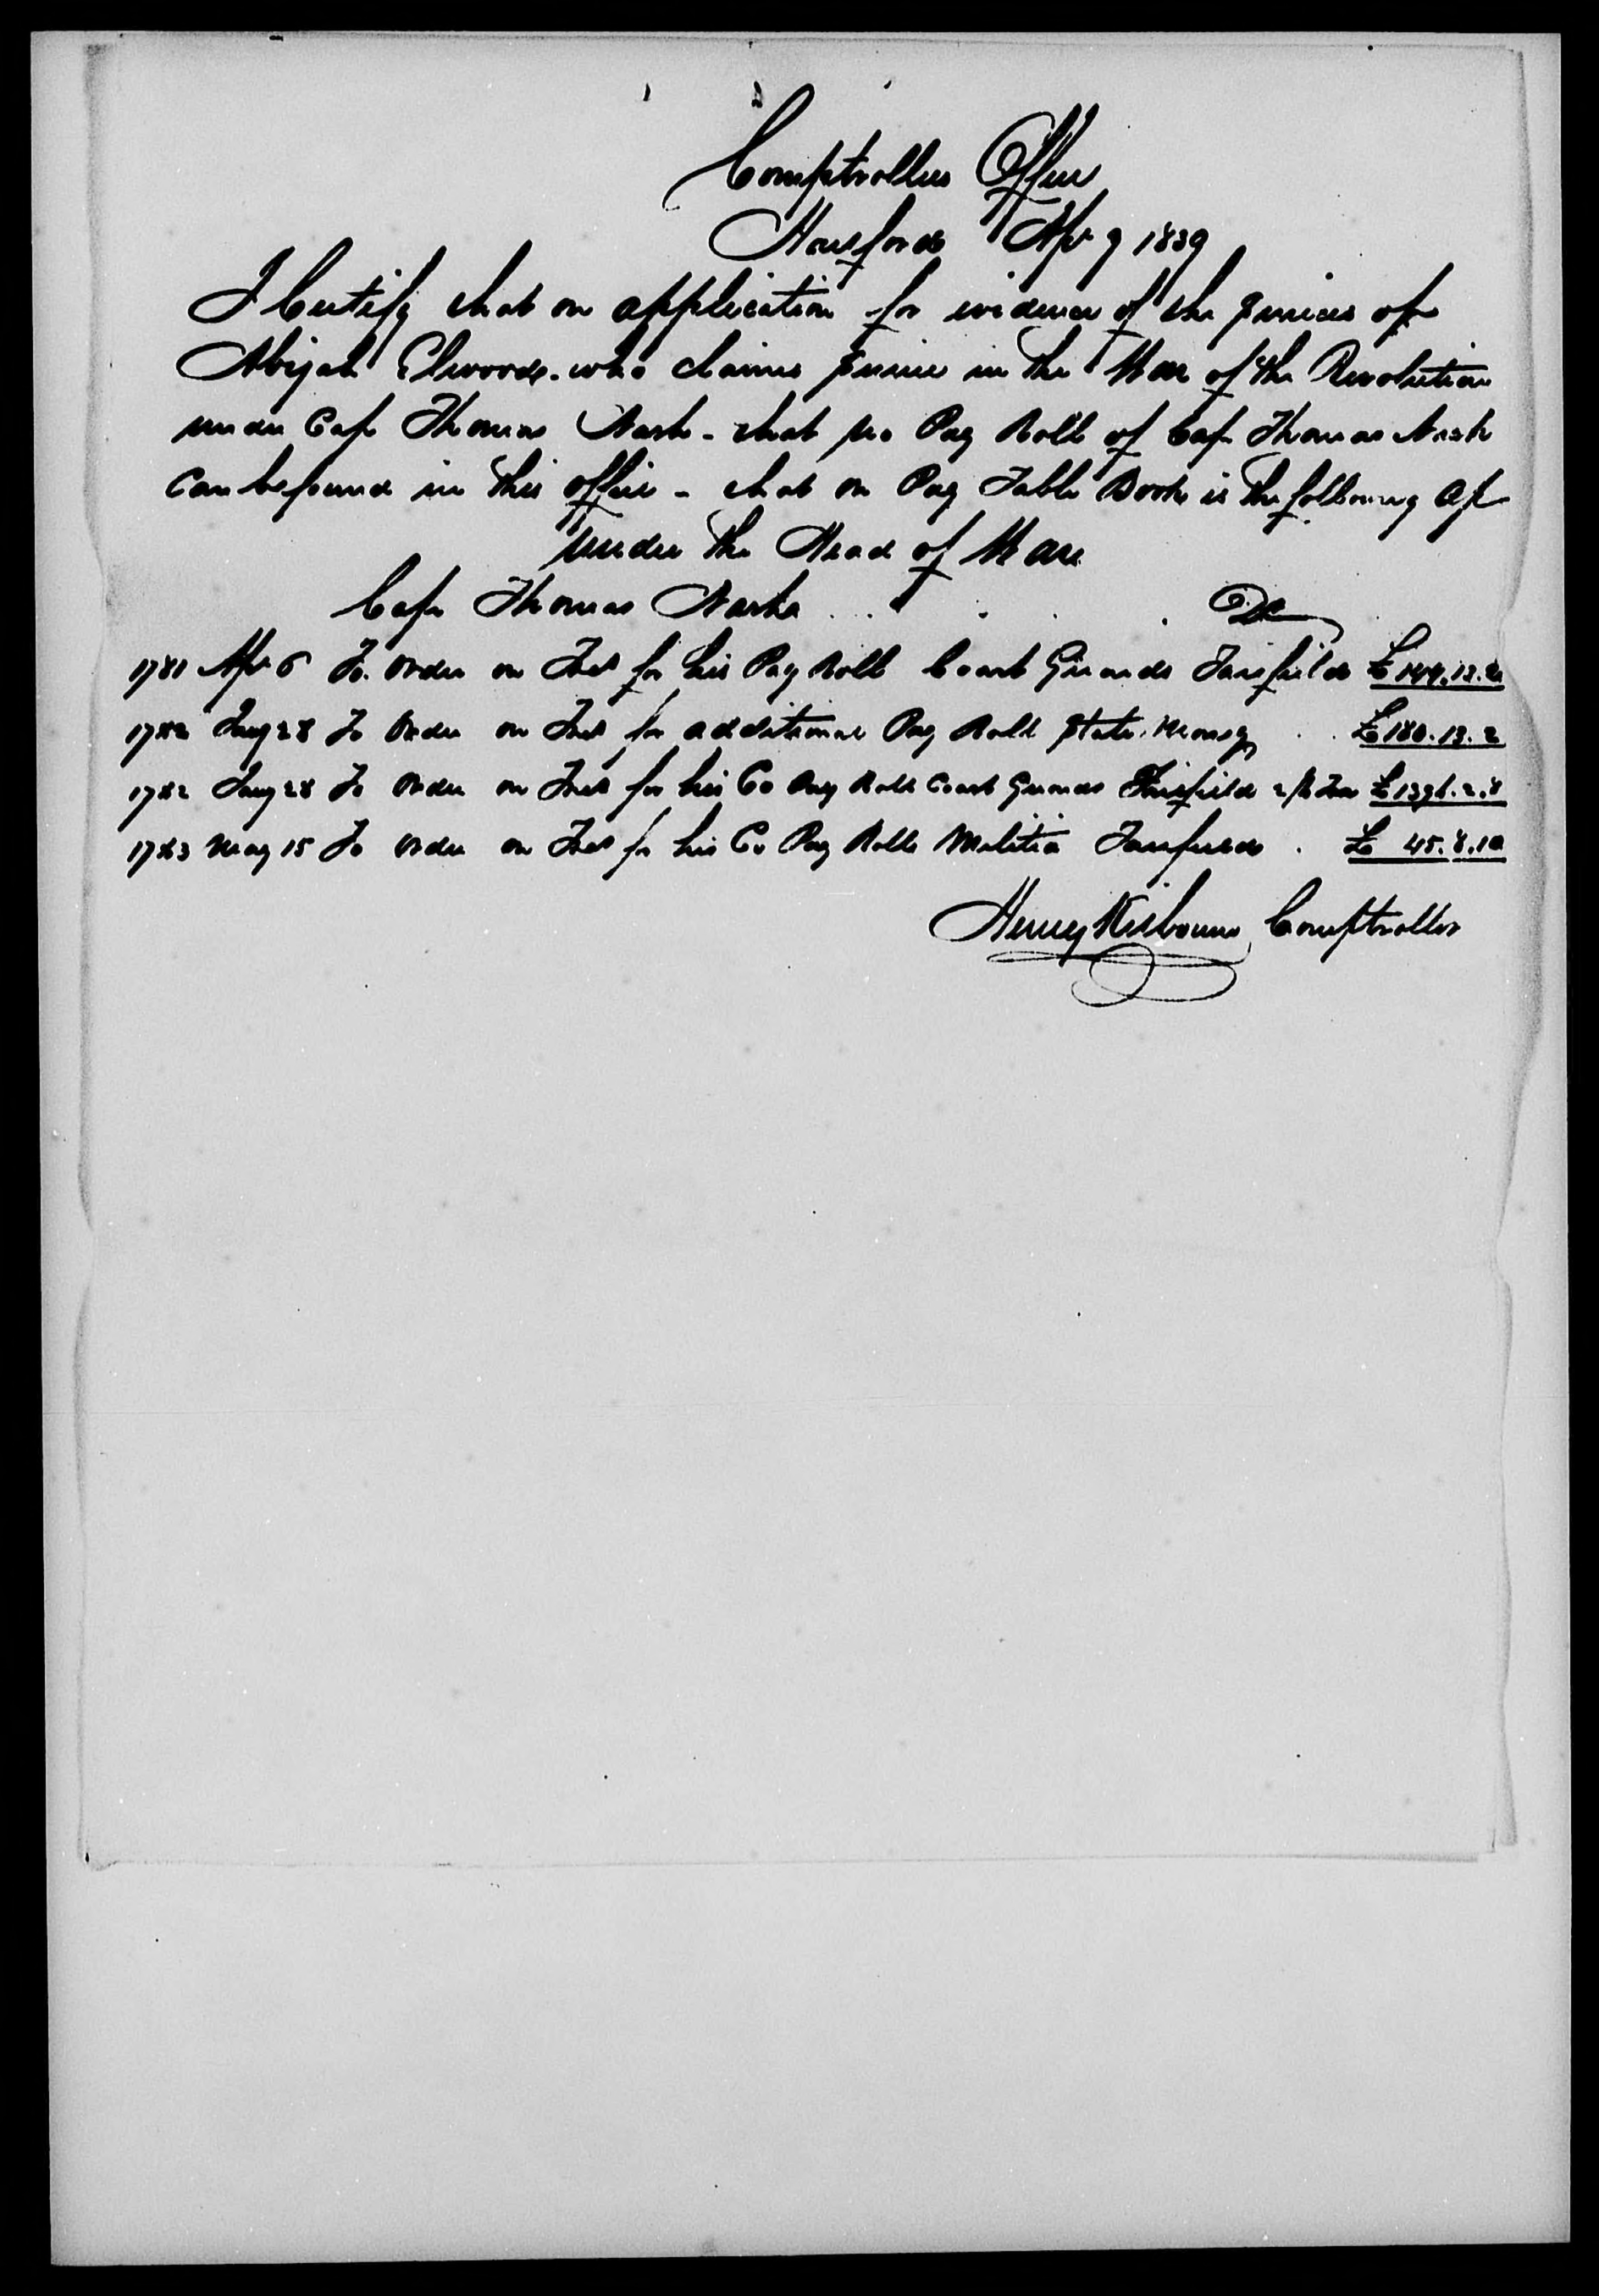Comptrollers Office
Hartford, Apr 9, 1839

I Certify that on application for evidence of the services of Abijah Elwood, who claims service in the War of the Revolution under Capt. Thomas Nash, that no Pay Roll of Capt. Thomas Nash can be found in this office. That a Pay Table Book is the following of under the Head of Man.
Capt. Thomas Nash . . .
1781 Apr 6 To order on [   ] for his Pay Roll Coast Guards Fairfield [   ] £144.13.
1782 Jany 28 To order on [   ] for additional Pay Roll state [   ] £180.13.2
1782 Jany 28 To order on [   ] for his Co Pay Roll Coast Guards Fairfield [   ] £1391.2.8
1783 May 15 To order on [   ] for his Co Pay Roll Militia Fairfield £45.8.10

Henry Kilbourn, Comptroller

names: Henry Kilbourn, Abijah Elwood, Thomas Nash, Thomas Nash, Thomas Nash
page: 67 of 69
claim: widow's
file: W. 25562, Abijah Elwood, Conn.